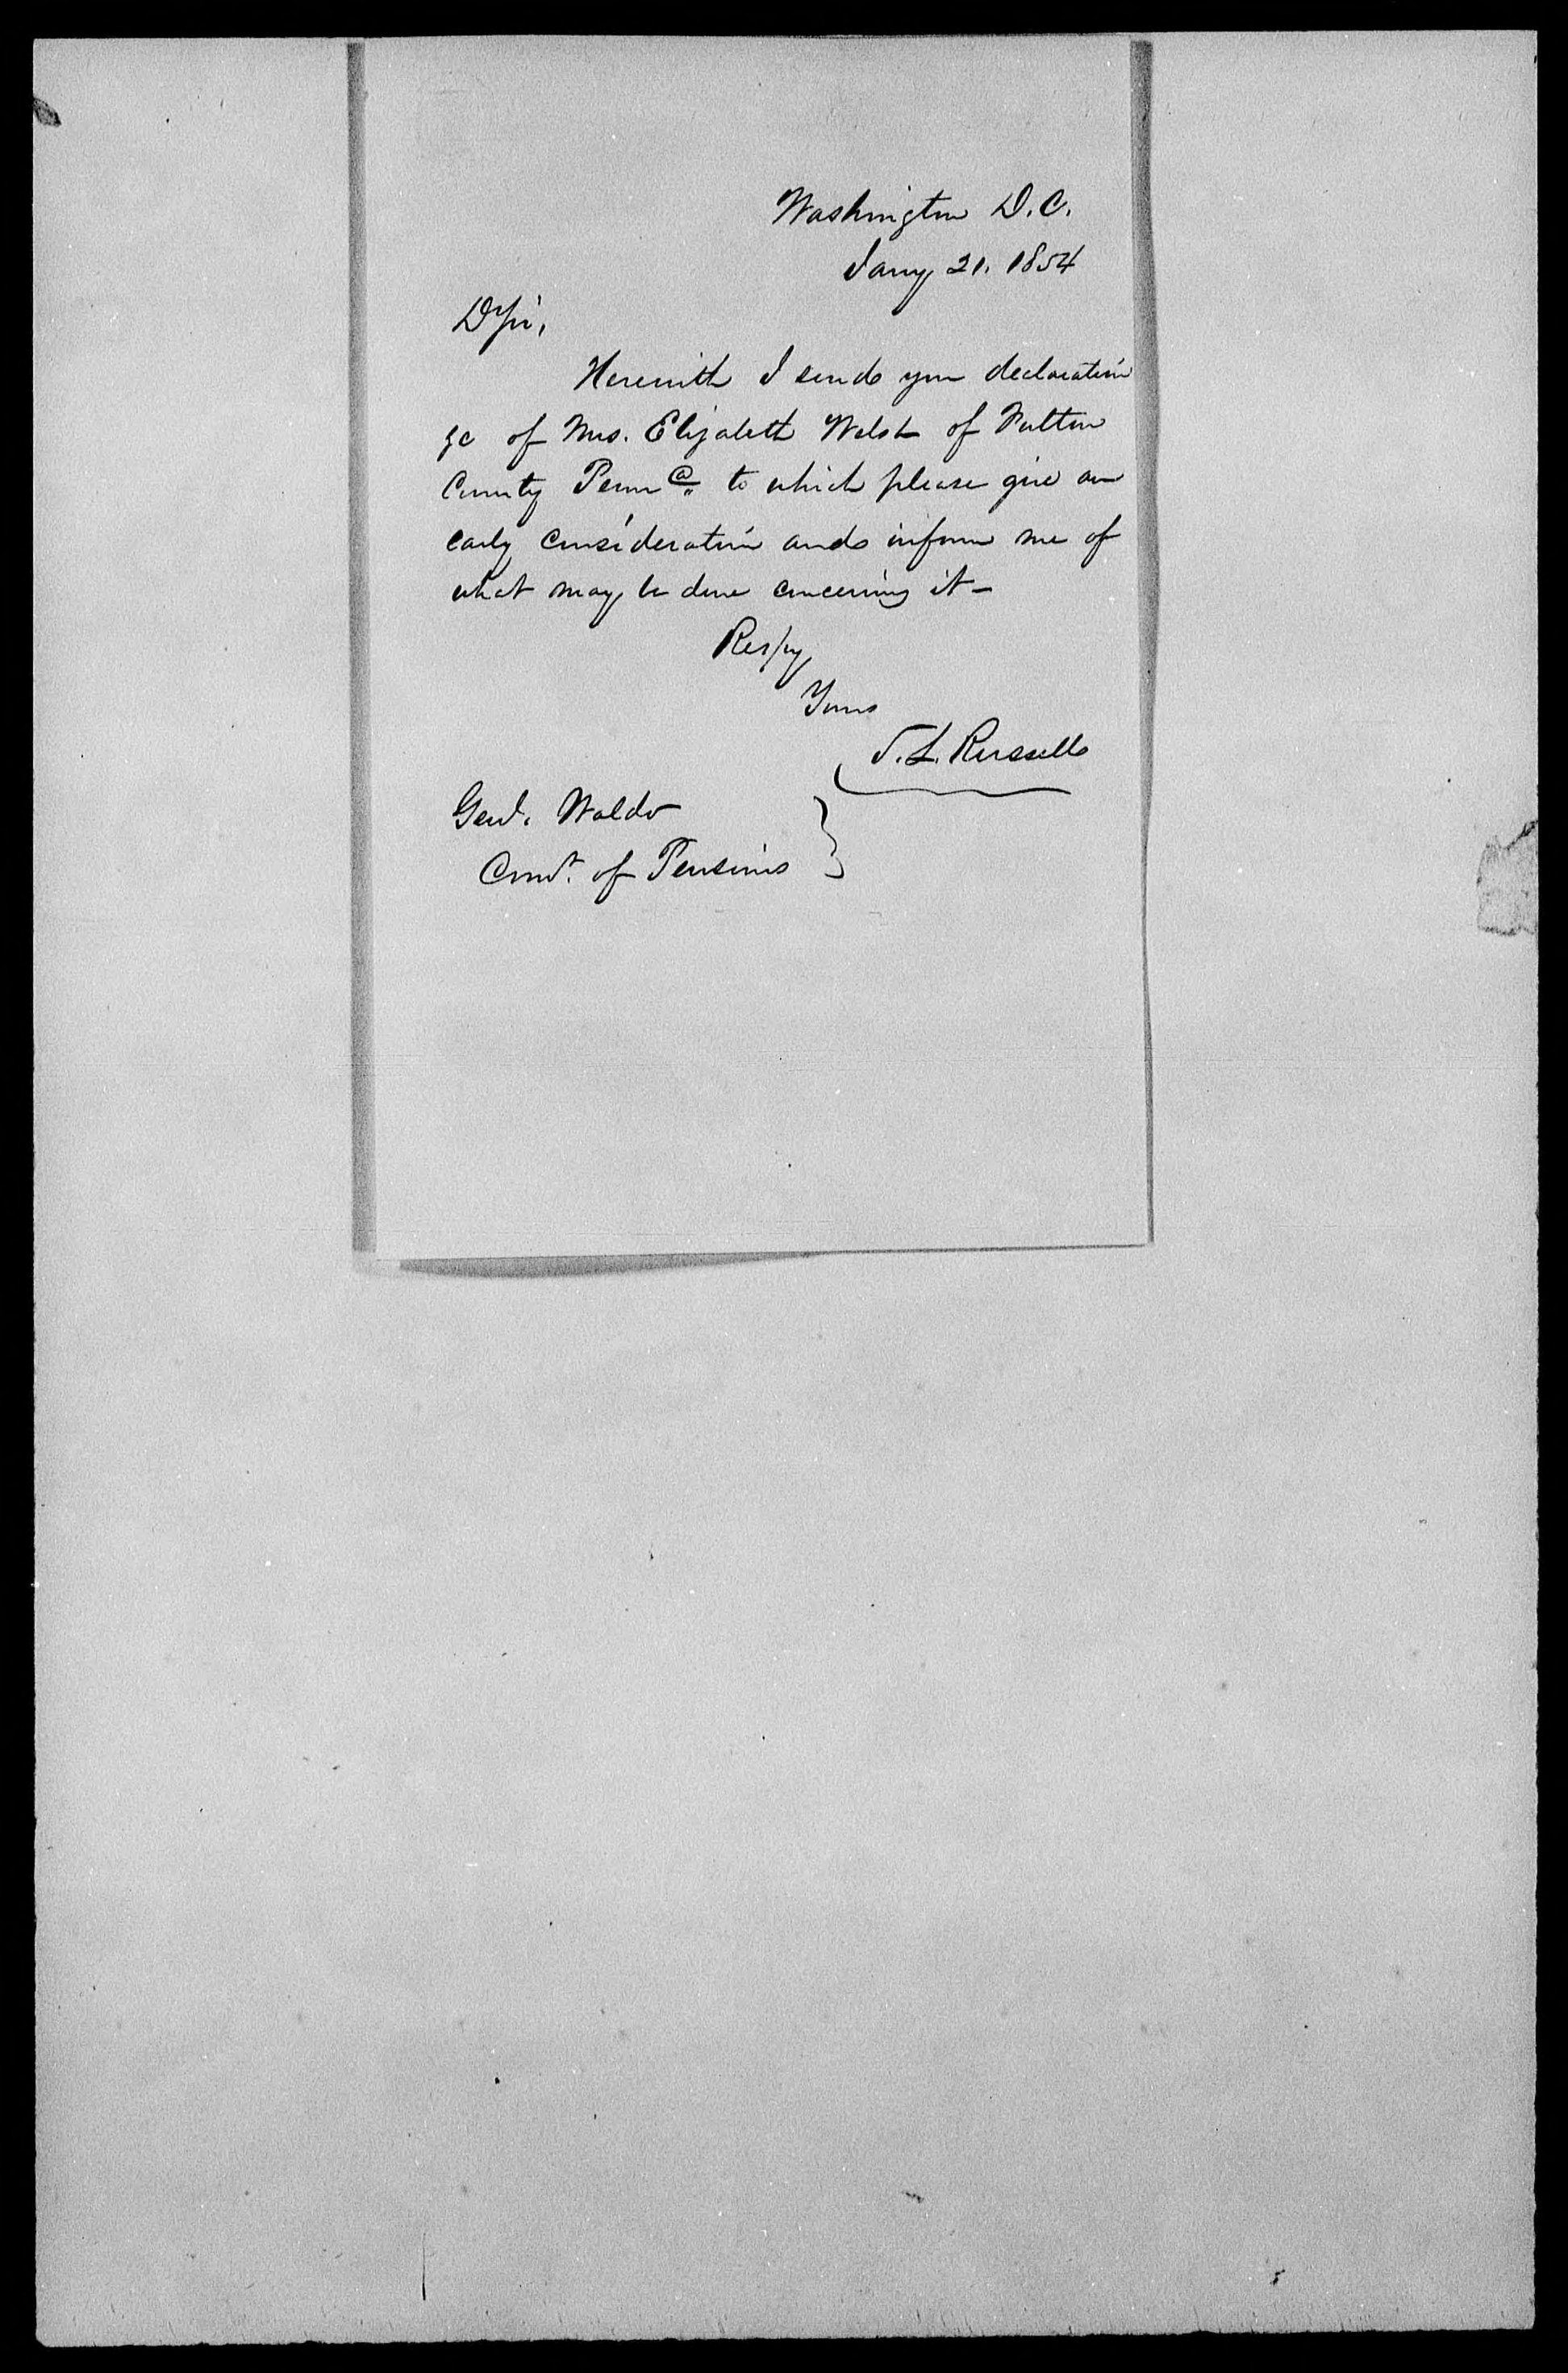Washington D.C.
Jany 21, 1854
Sir,
Herewith I send you declaration
of Mrs. Elizabeth Welsh of Fulton
County Penna to which please give an
early consideration and inform me of
what may be due concerning it-
Respy
Yours
S. L. Russell

Gens. Waldo
Comr. of Pensins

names: Elizabeth Welsh, Waldo, S L Russell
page: 31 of 35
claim: rejected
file: R. 2,650, Daniel Daniels, Penn.